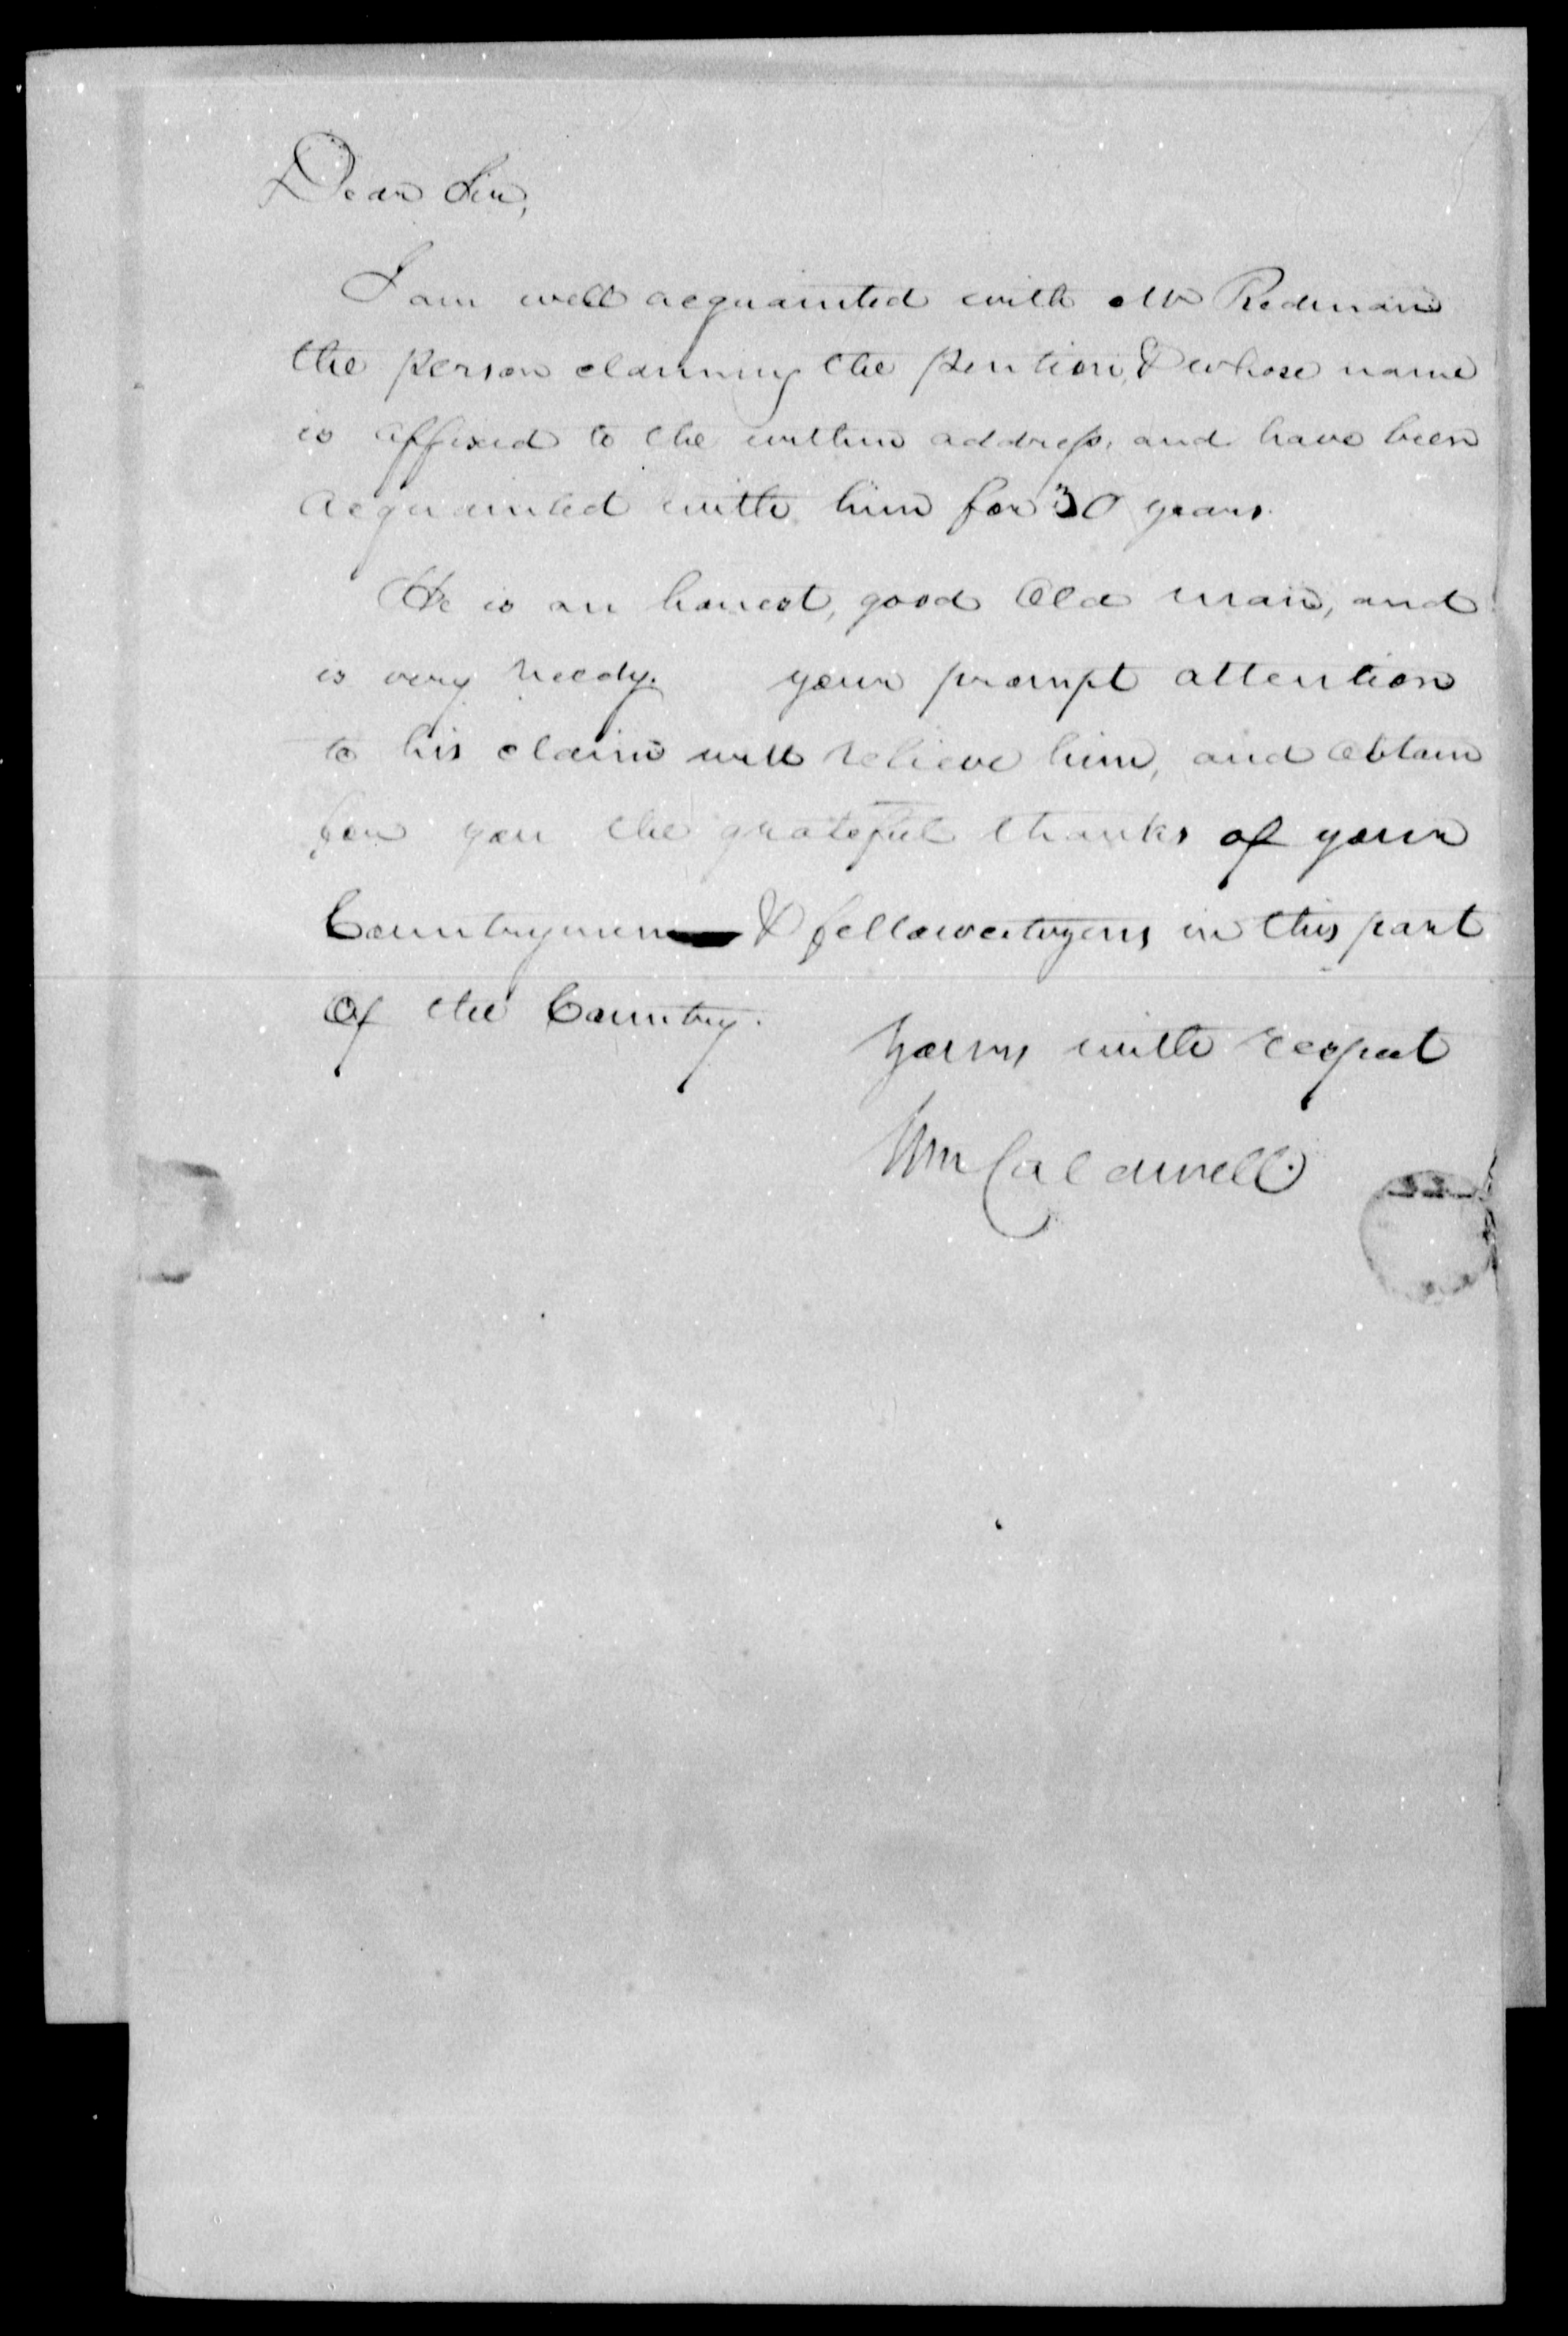Dear Sir,
I am well acquainted with Mr. Redman the person claiming the pension, & whose name is affixed to the within address, and have been acquainted with him for 30 years.
He is an honest, good old man, and is very needy.  Your prompt attention to his claim will relieve him, and obtain for you the grateful thanks of your Countrymen & fellow citizens in this part of the Country.
Yours with respect
Wm Caldwell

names: Wm Caldwell; [BLANK] Redman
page: 37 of 57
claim: widow's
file: W. 9,622, for Aaron Redman, Virginia